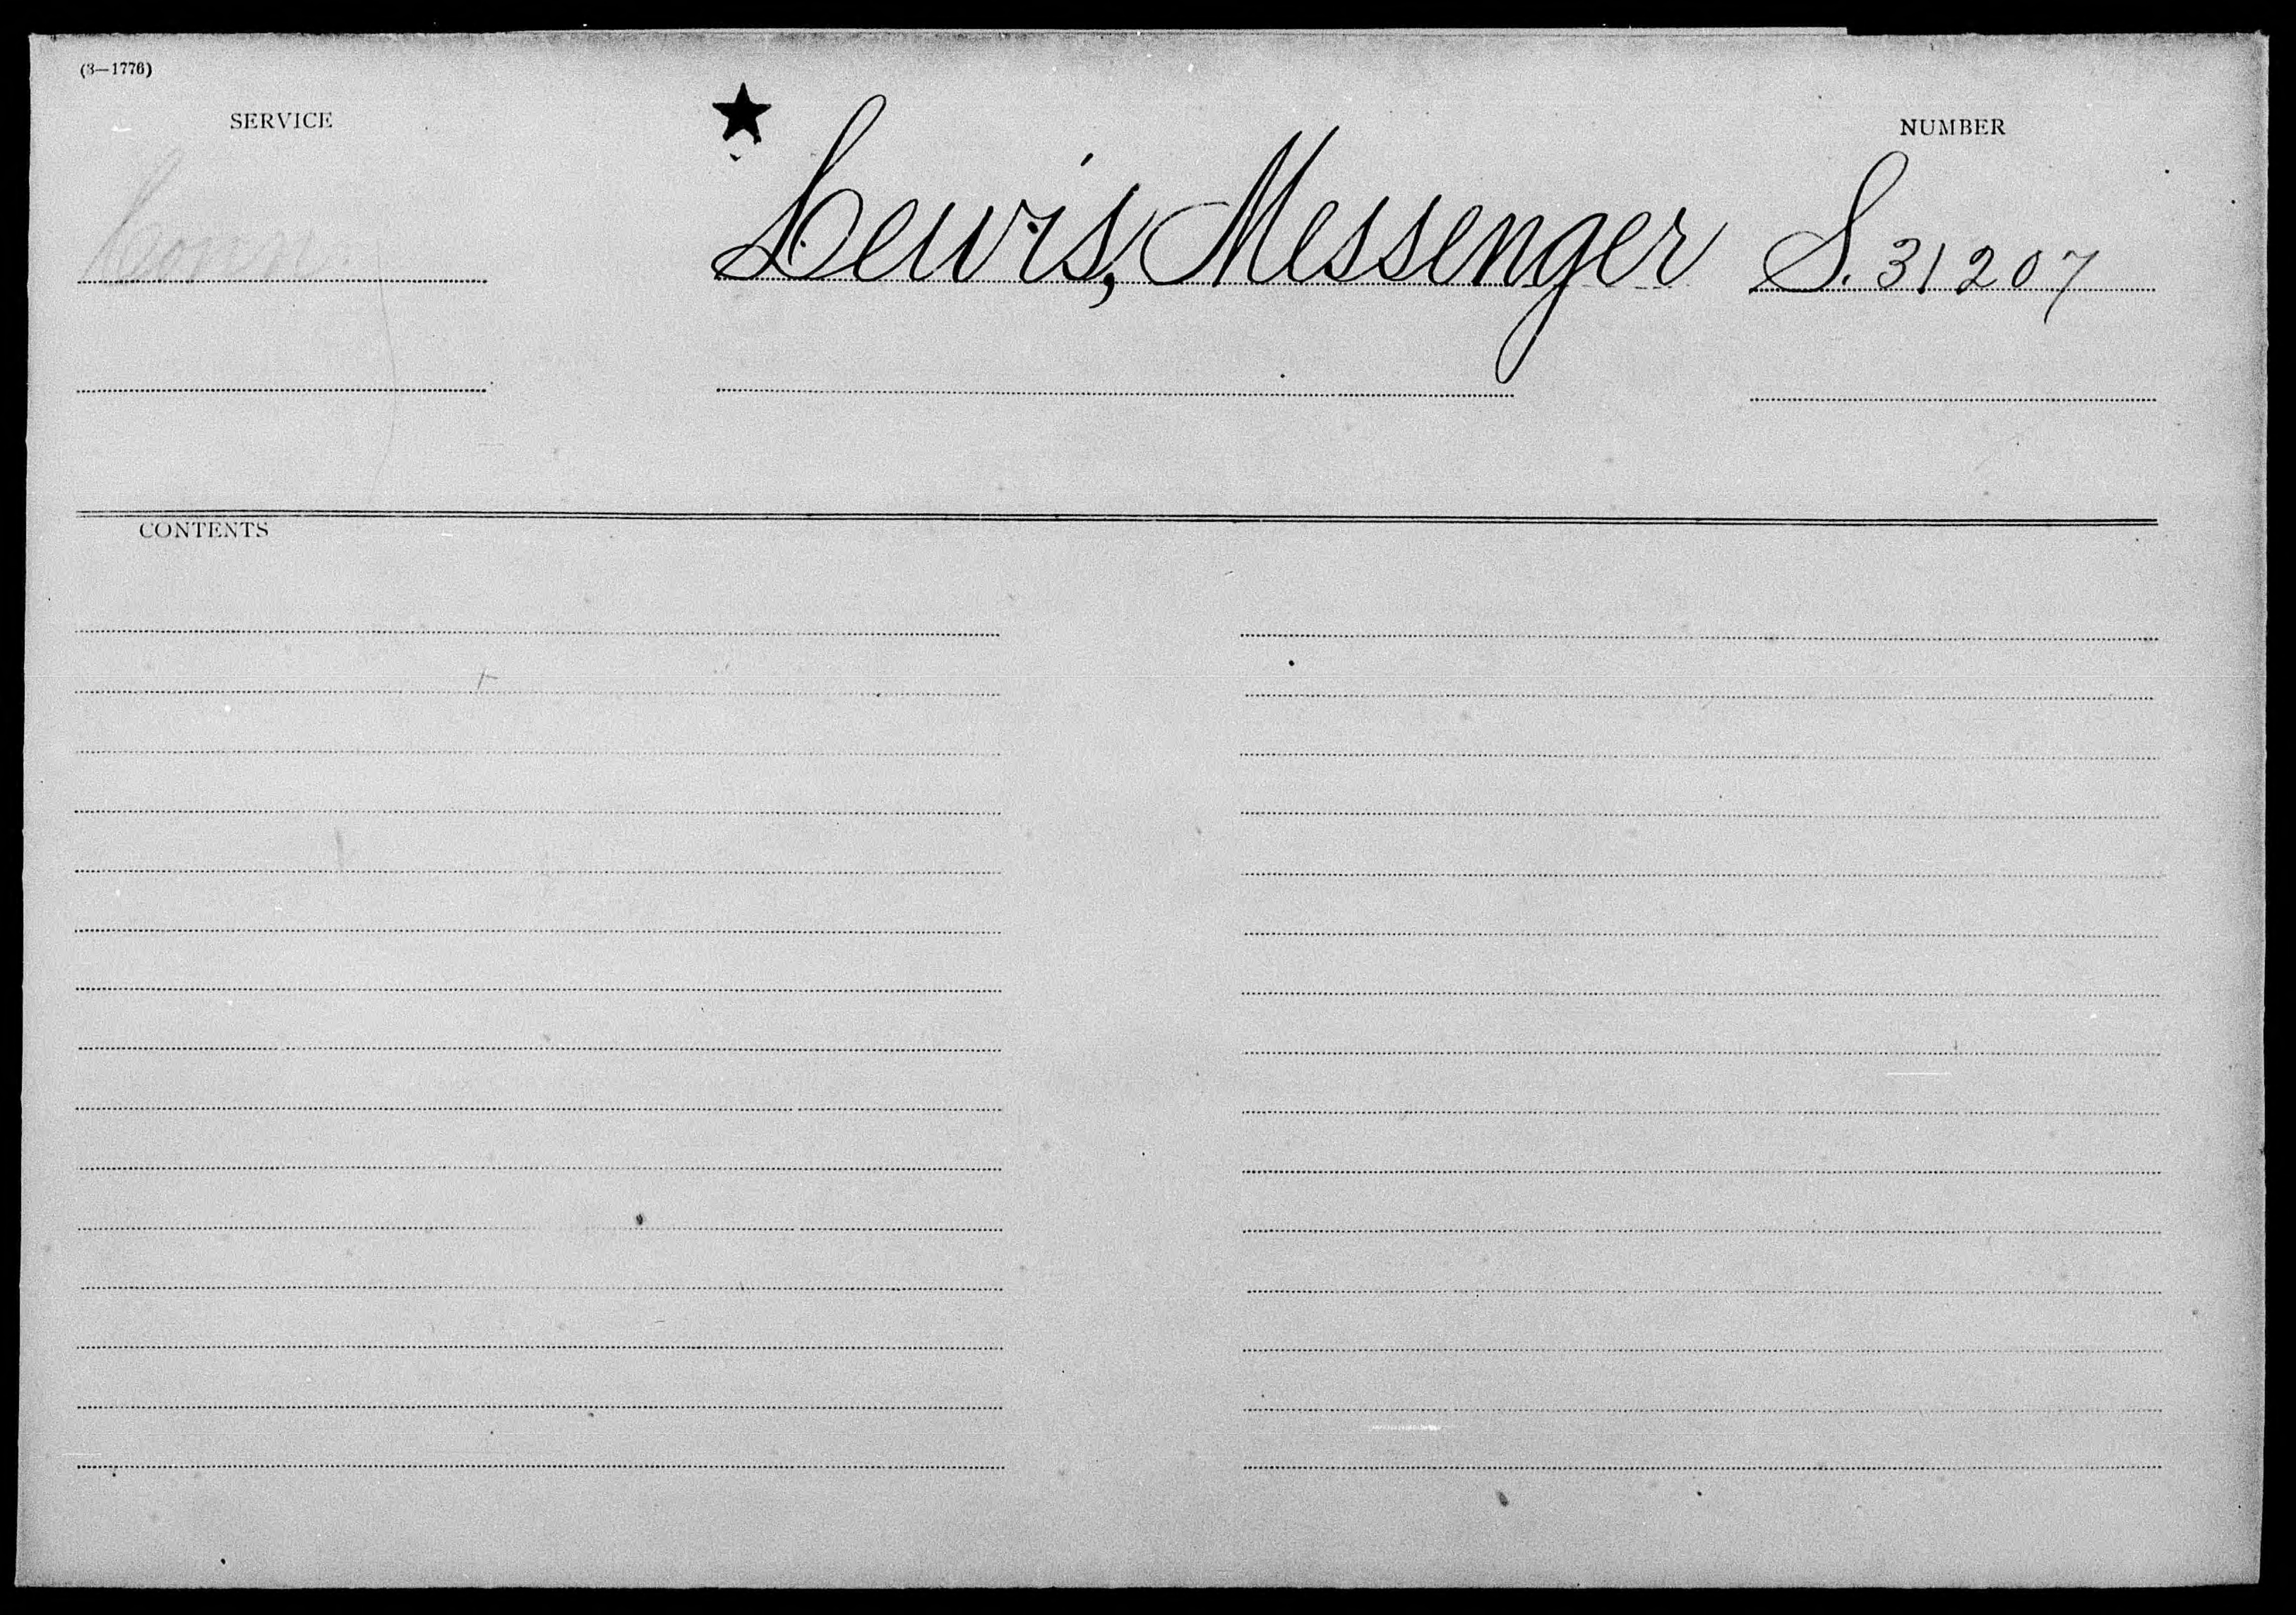(3-1776)

SERVICE
Conn

Lewis, Messenger

NUMBER
S. 31207

CONTENTS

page: 1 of 12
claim: survivor's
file: S. 31207, for Messenger Lewis, Connecticut